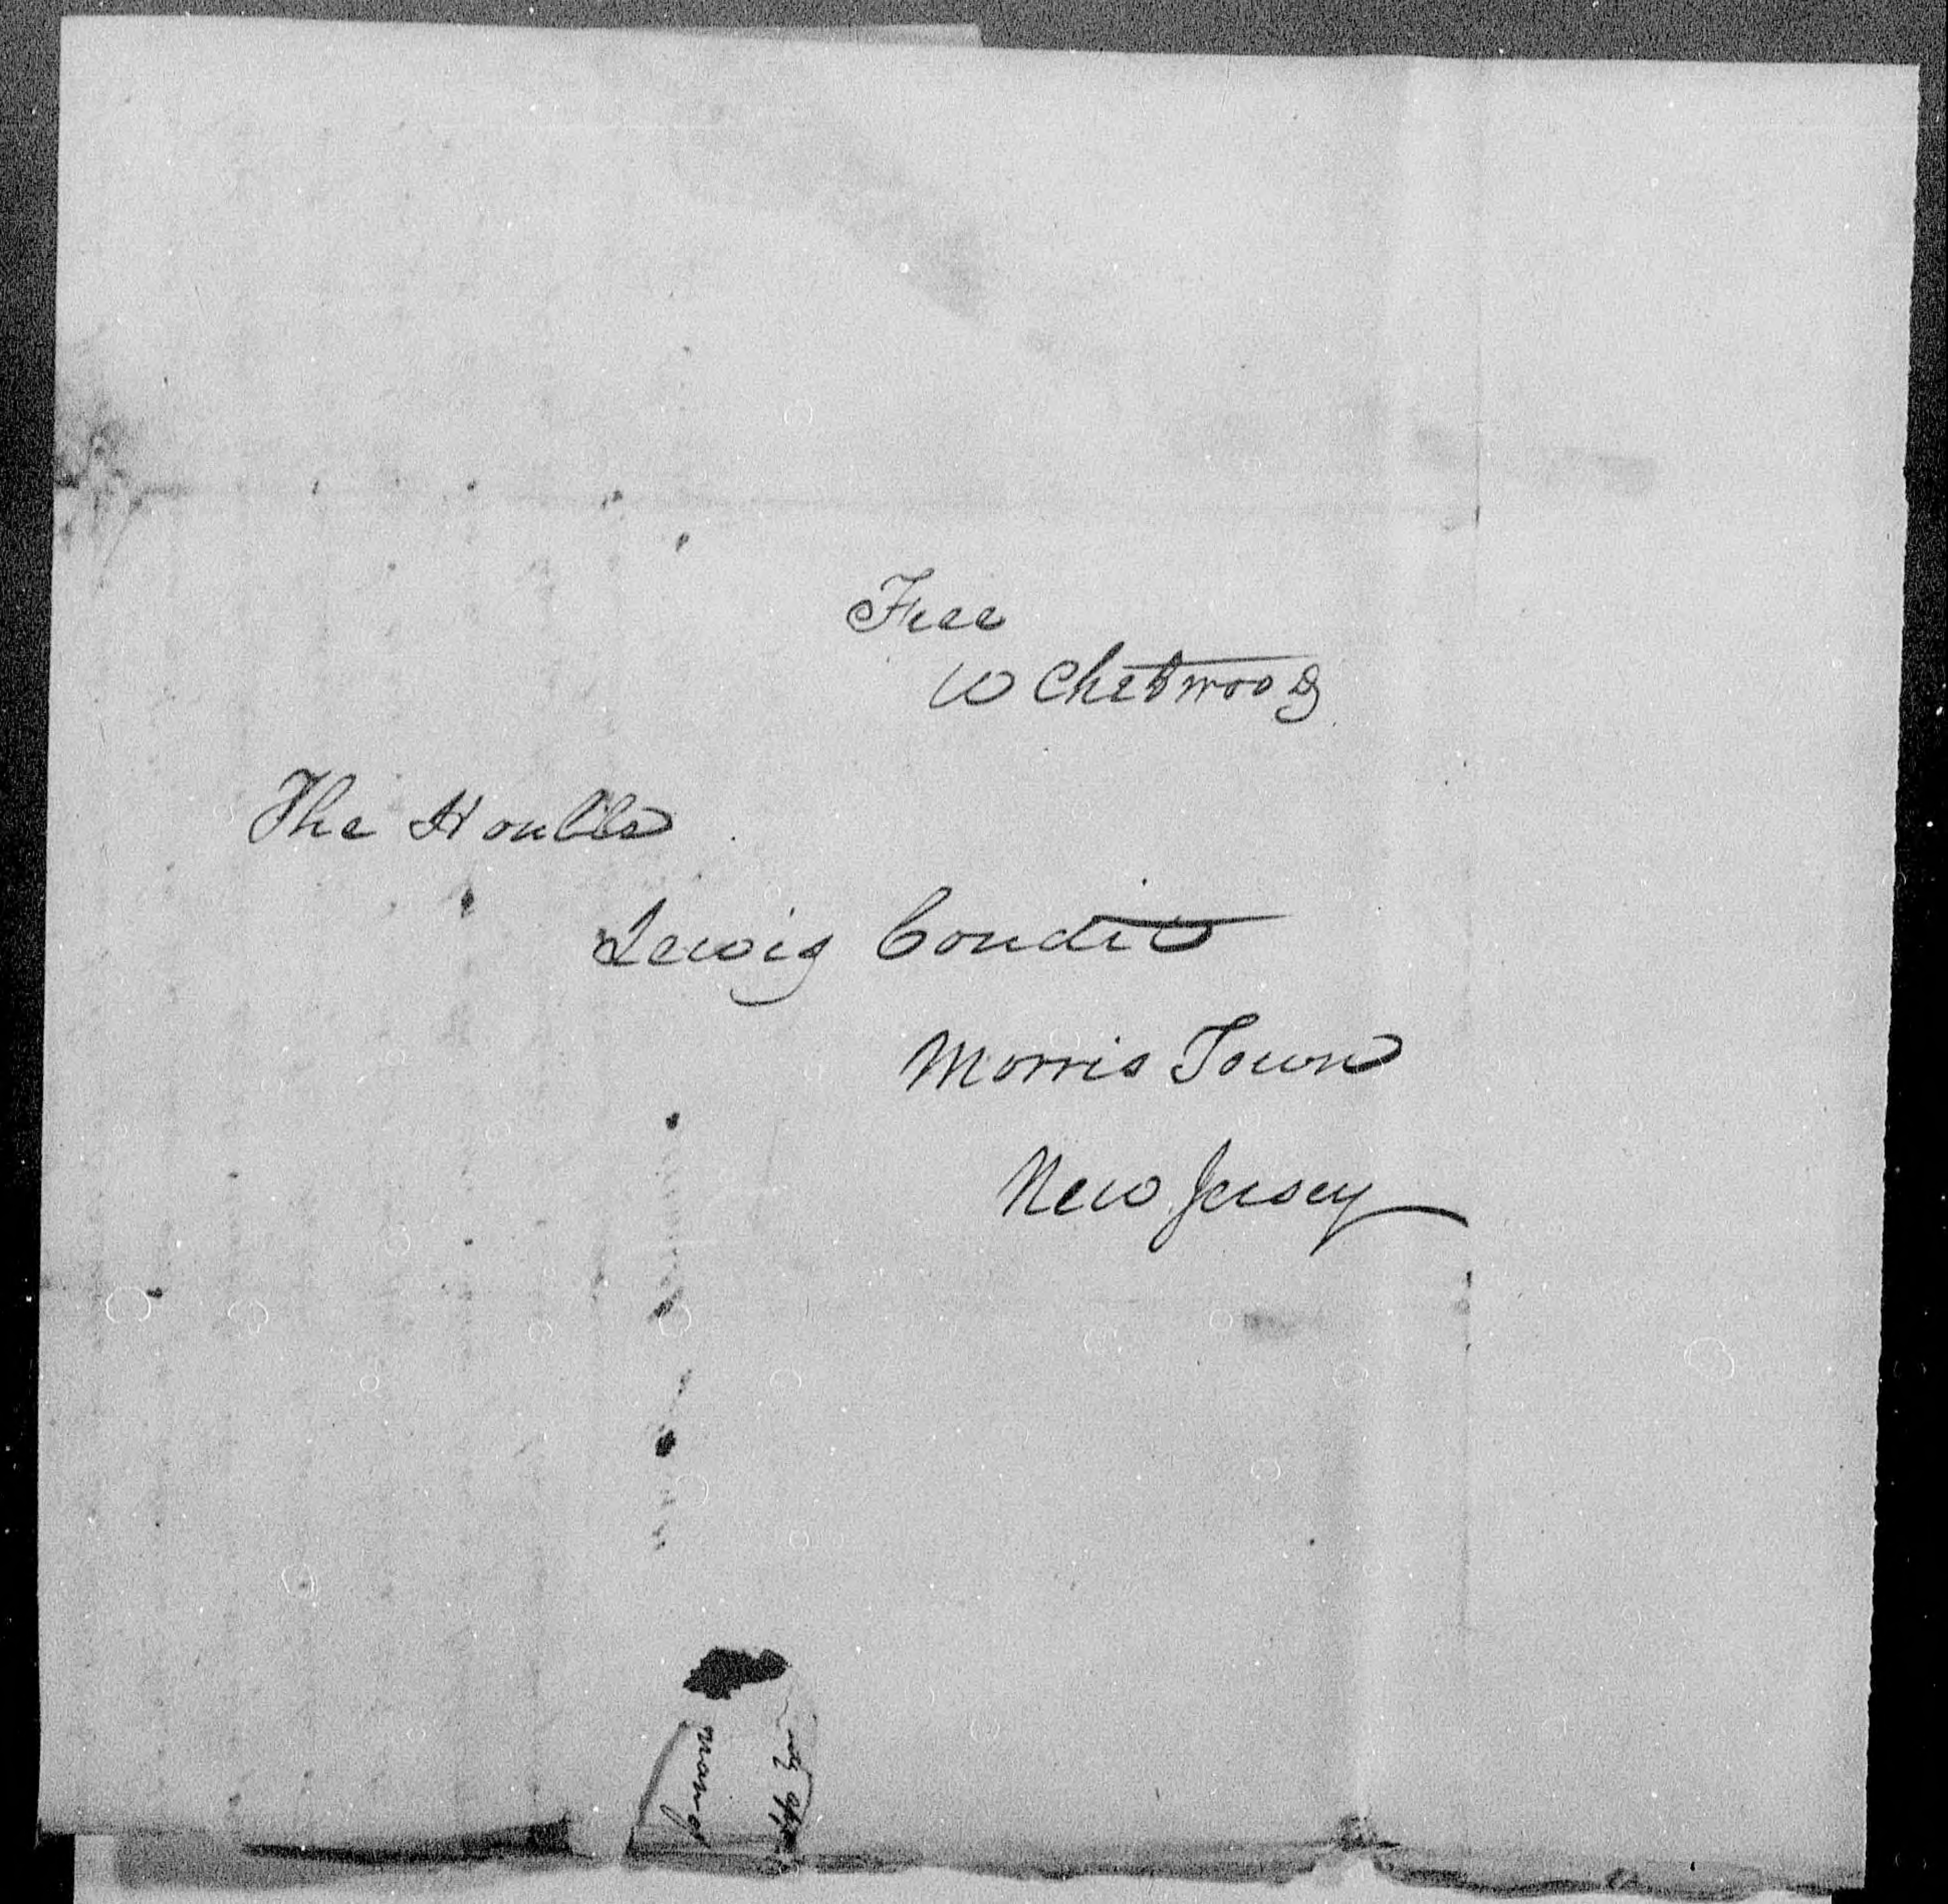Free 
[?]

The Honble
Lewis Condict
Morris Town
New Jersey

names: Lewis Condit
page: 18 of 38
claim: widow's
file: W. 6644, Jacob Casterline, New Jersey